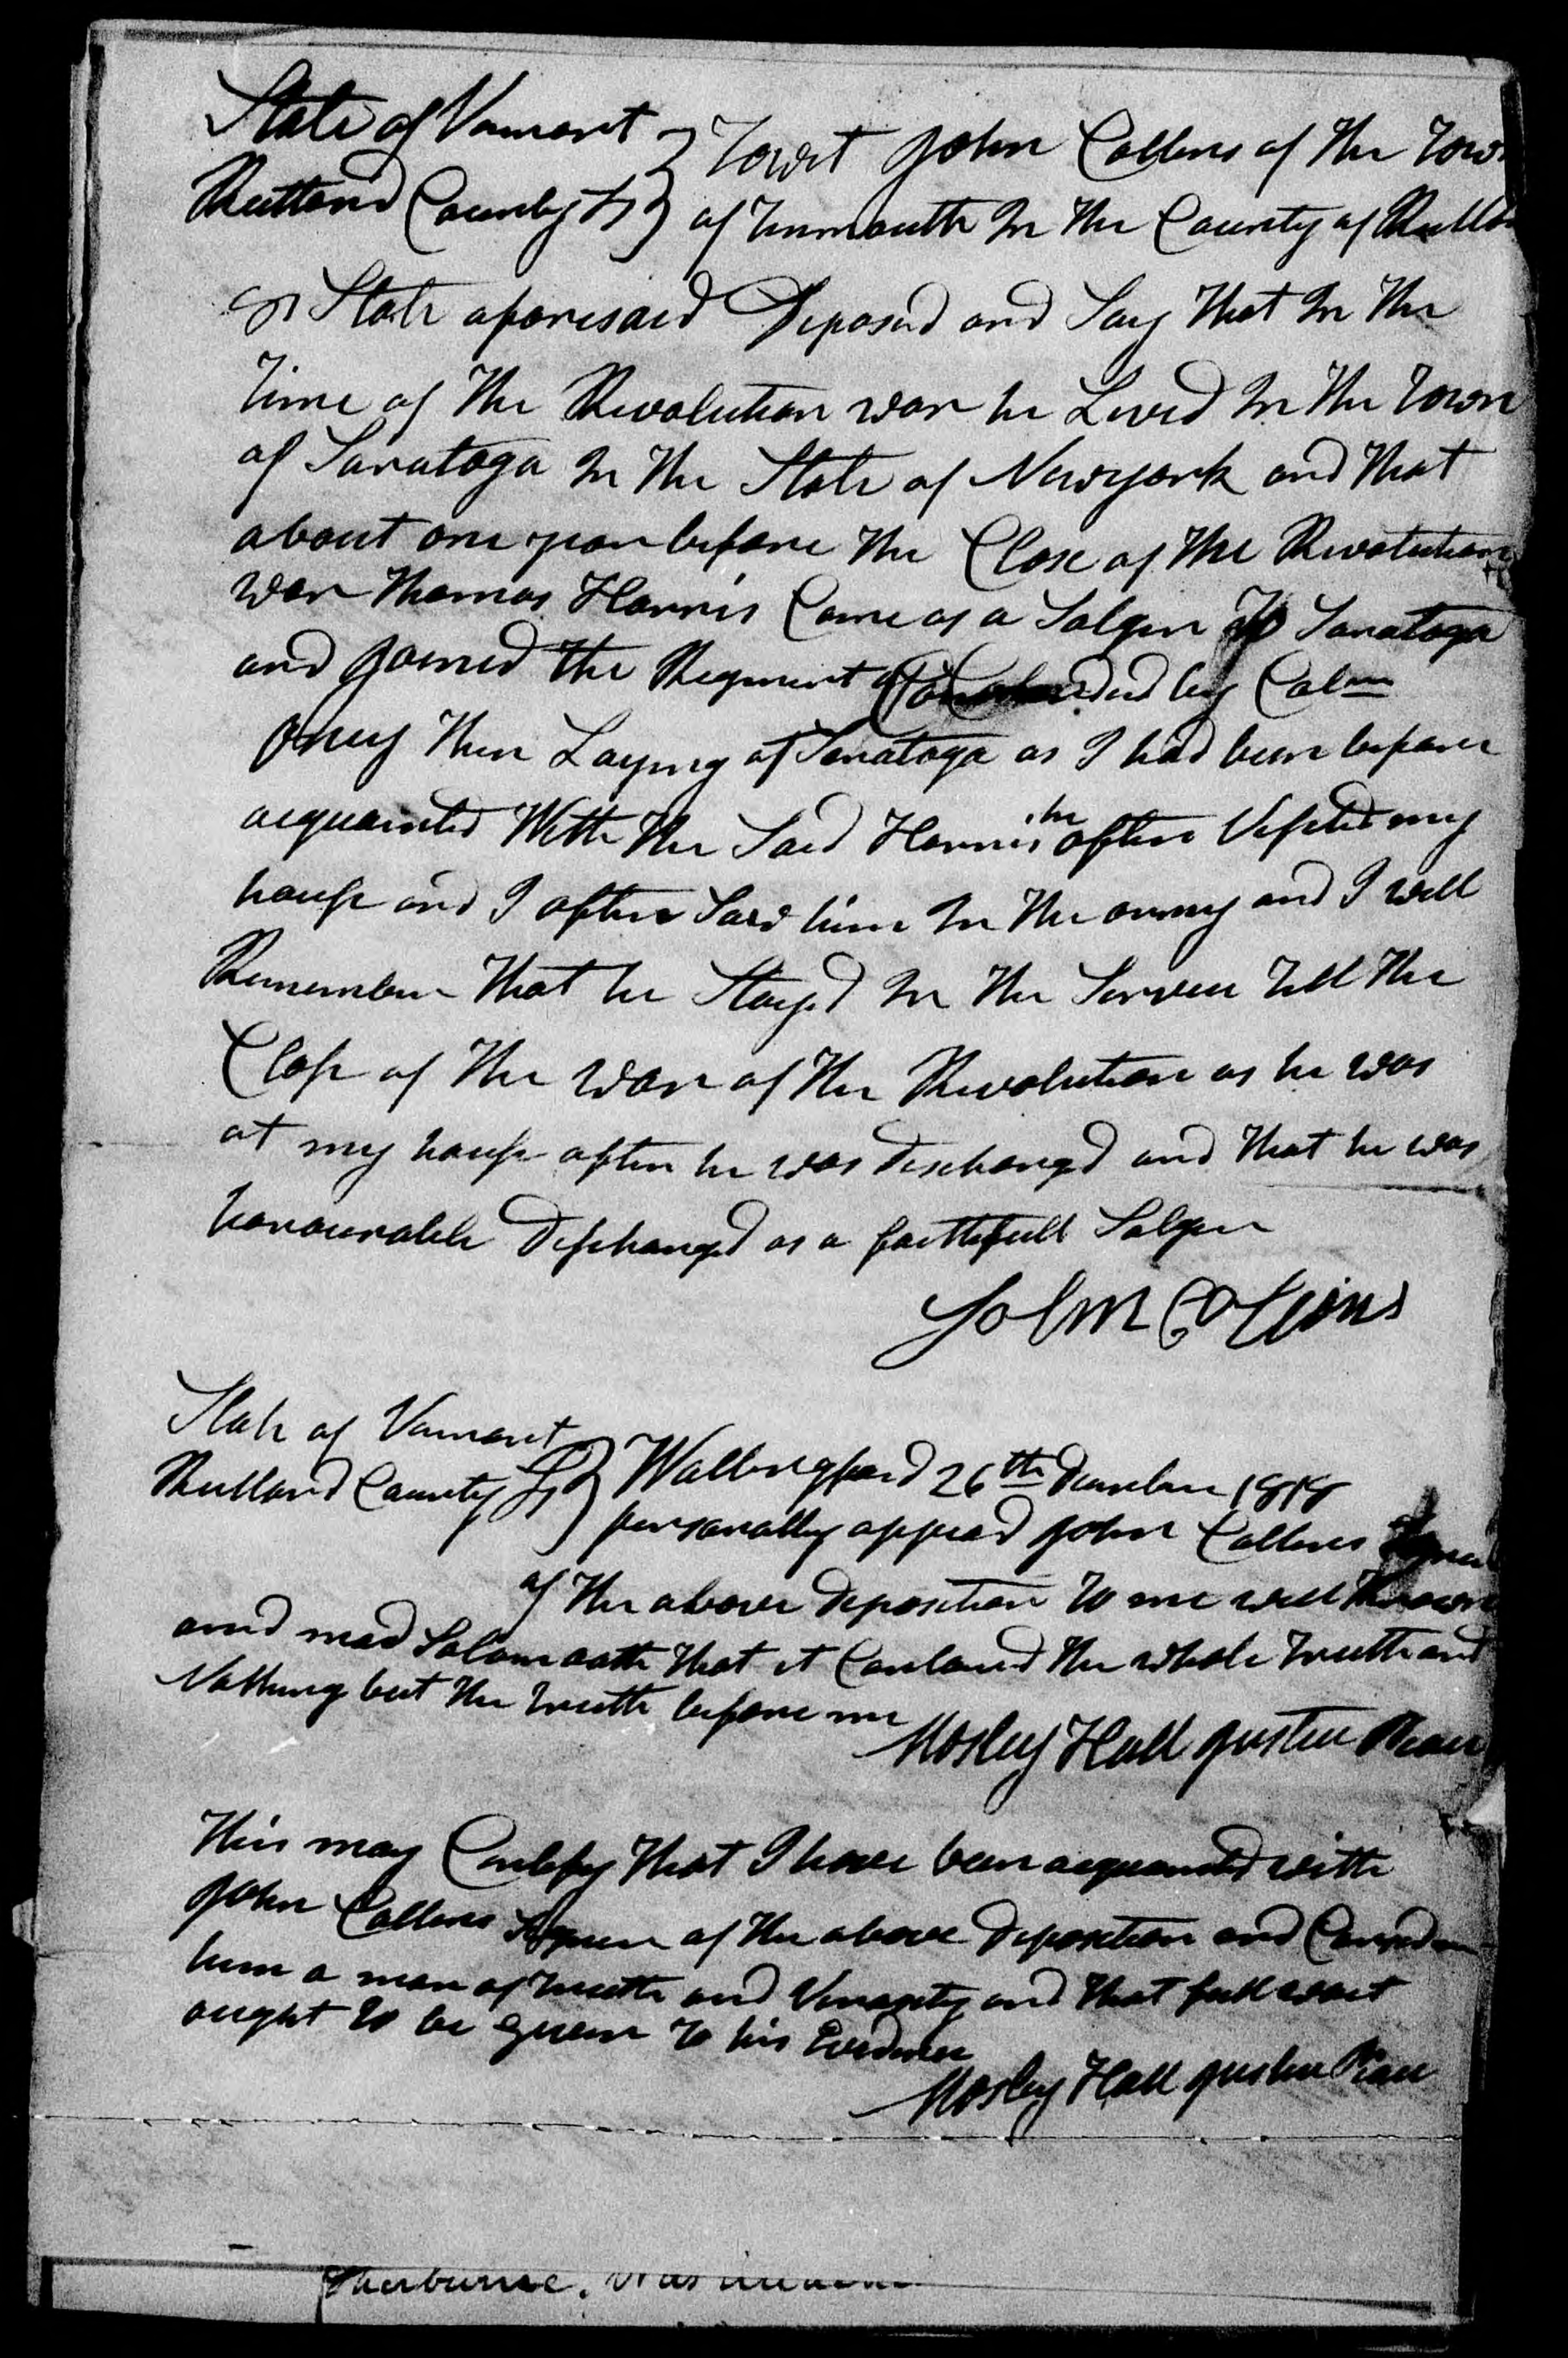State of Vermont Rutland County ss. To wit John Collins of the town of Tinmouth in the County of Rutland & State aforesaid deposed and say that in the time of the Revolution war he lived in the town of Saratoga in the State of Newyork and that about one year before the close of the Revolutionary war Thomas Harris came as a soldier of Saratoga and joined the Regiment commanded by Catn Olney then laying at Saratoga as I had been before acquainted with the said Harris, he often slept at my house and I after said time for the army and I well remember that he stayd in the service till the close of the war of the revolution as he was at my house after he was discharged as a faithful soldier. John Collins. 
State of Vermont Rutland County Ss. Wallingford 26th December 1818 personally appeared John Collins [illegible] of the above deposition to me well knowing and made solemn oath that it contains the whole truth and nothing but the truth before me Mosley Hall Justice Peace.
This may Certify that I have been acquainted with John Collins [illegible] of the above Deposition and consider him a man of truth and veracity and that full credit ought to be given to his evidence. Mosley Hall Justice Peace.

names: John Collins, Corland, John Collins, Mosley Hall, Harris, John Collins, John Collins, Oney, Sherburne, Mosley Hall, Thomas Harris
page: 12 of 16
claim: survivor's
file: S. 38815, Thomas Harris, R.I.